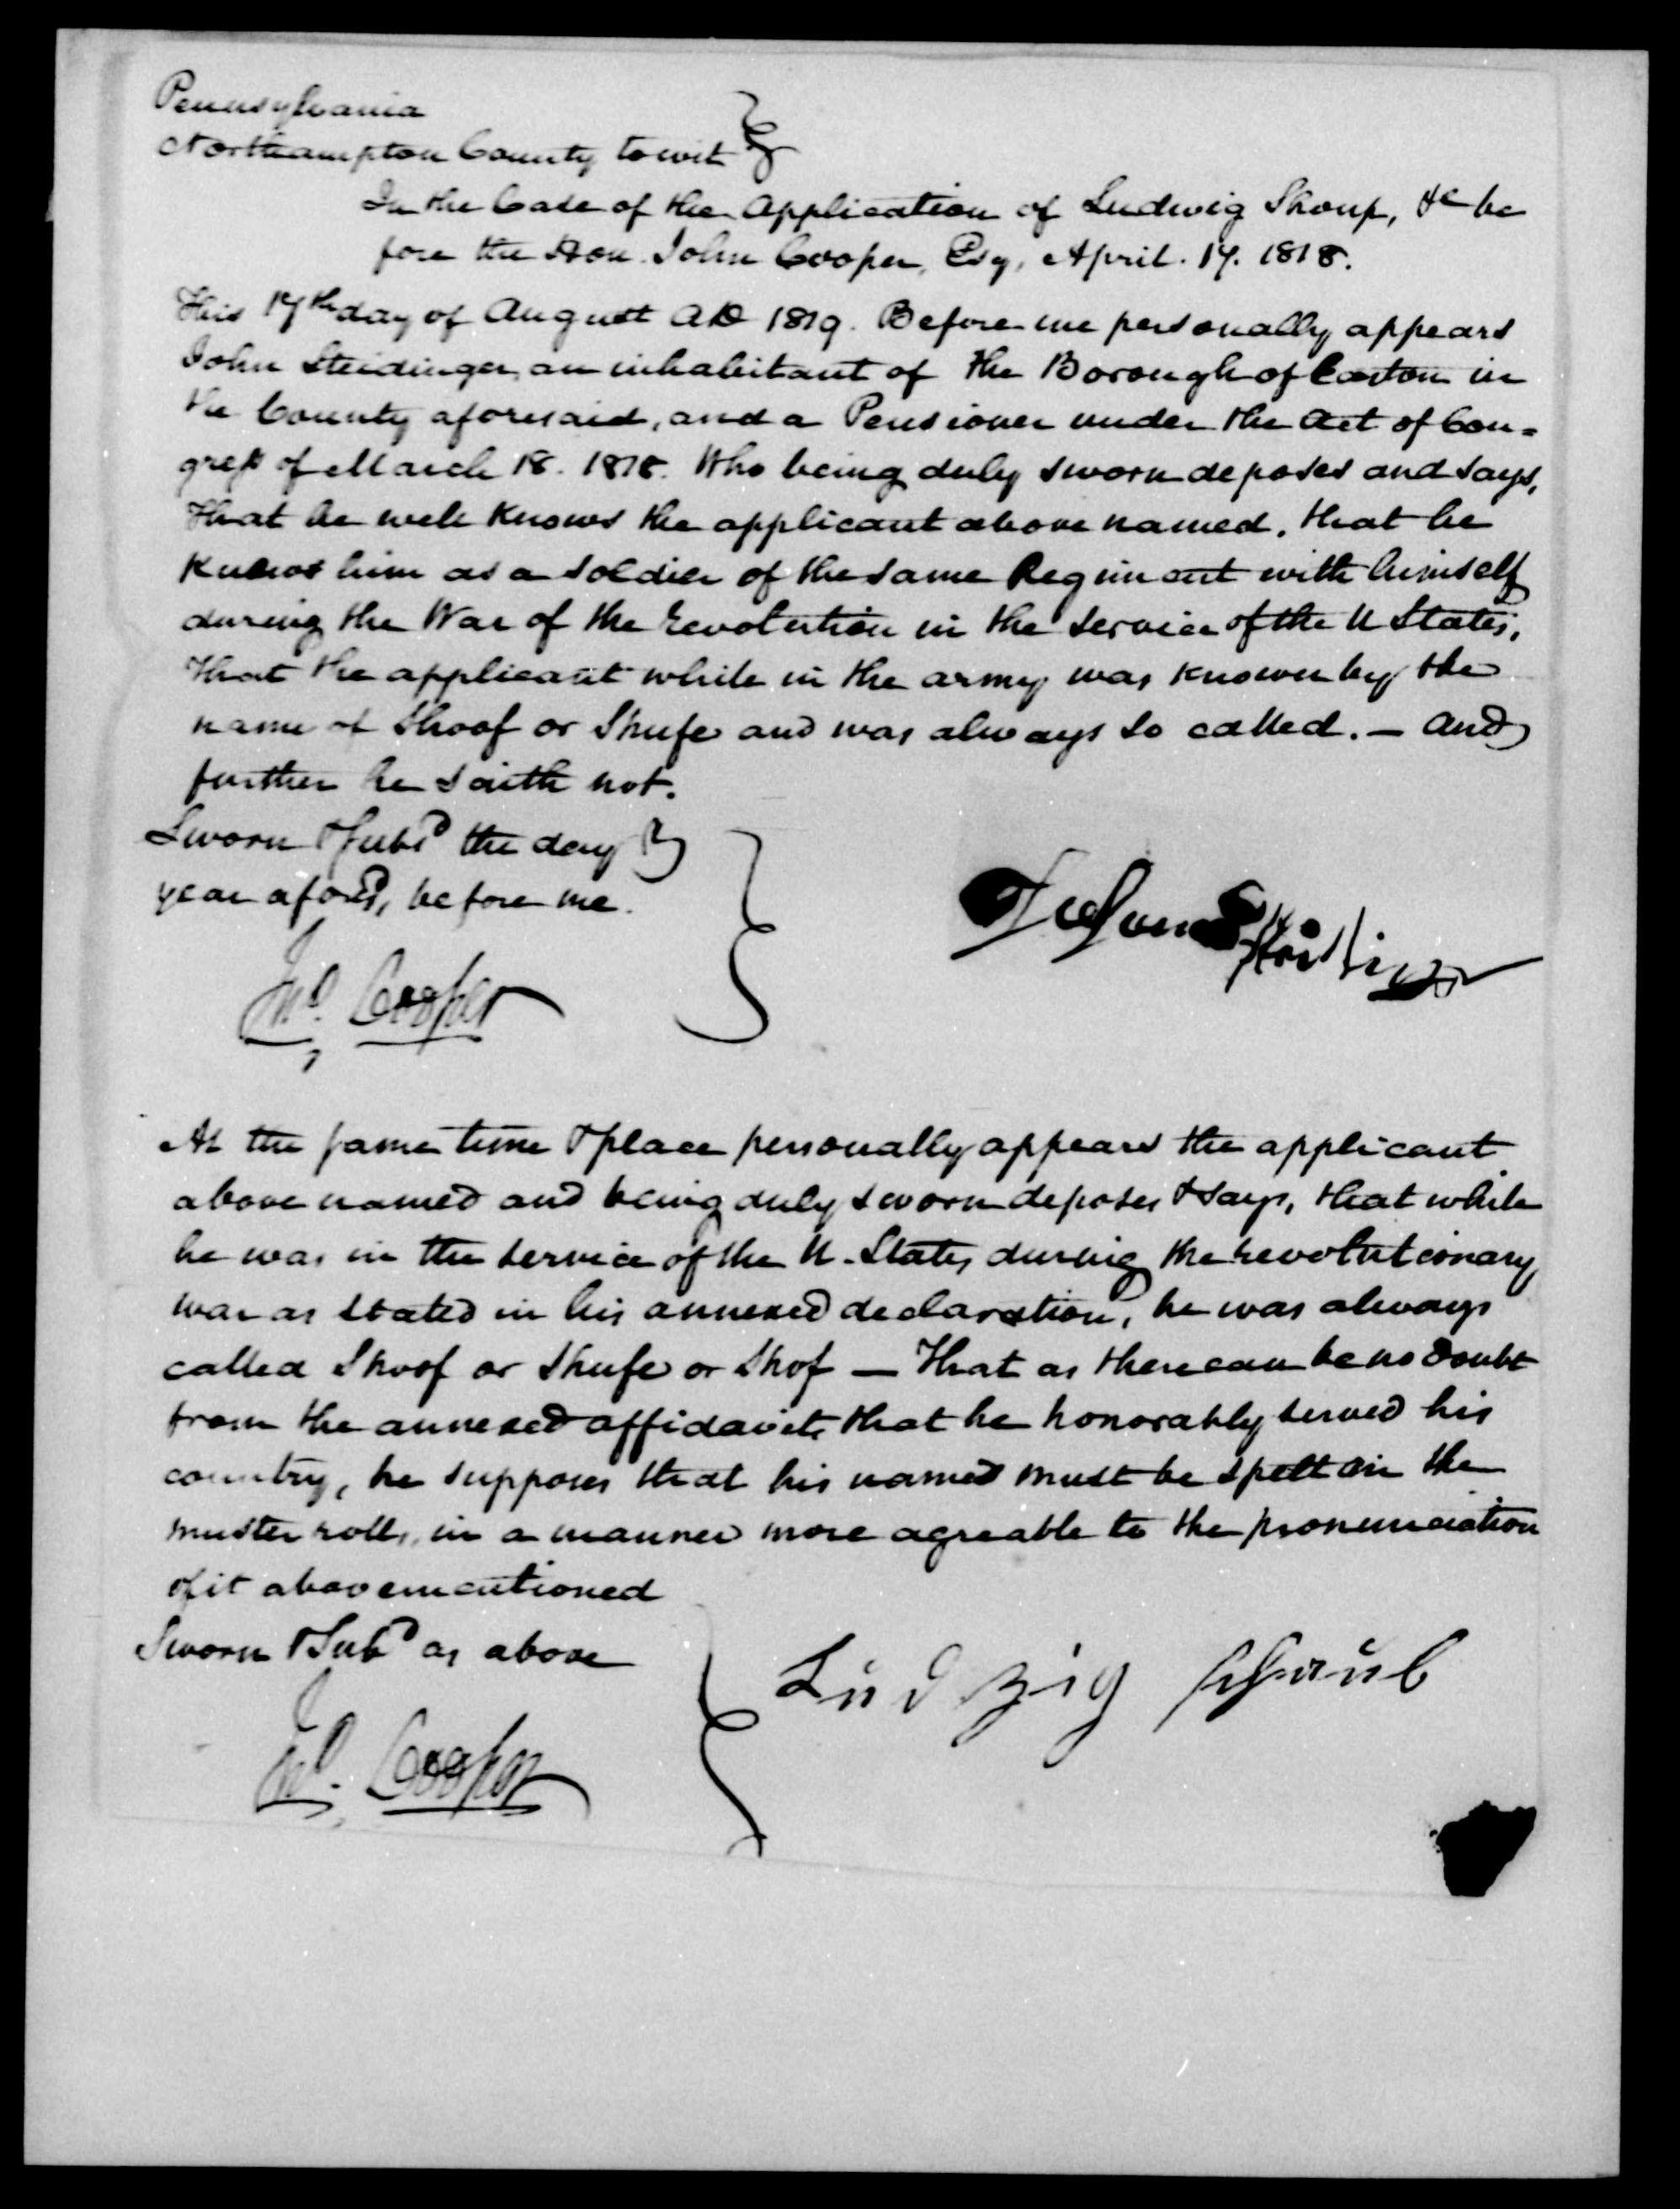Peensylvania
Northampton County to wit } ss.

In the Case of the Application of Ludwig Shoup, &c before the Hon. John  Cooper, Esqr, April, 17, 1818.

This 17th day of August AD 1819.  Before me personally appeared John Steidinger an inhabitant of the Borough of Easton in the County aforesaid, and a Pensioner under the Act of Congress of March 18, 1818.  Who being duly sworn deposes and says, that he well knows the applicant above named, that h knows him as a Soldier of the same Regiment with himself during the War of the Revolution in the service of the U States; that the applicant while in the army was known by the name of  Shoof or Shufe and was always so called. - and further he saith not.
(Signed) John Steidinger

Sworn & Subs'd the day & }
year afores'd, before me. }
(Signed) Jno Cooper

As the same time & place personally appears the applicant named and being duly sworn deposes & says, that while he was in the service of the U. States, during the revolutionary war as stated in his annexed declaration, he was always called Shoof or Shufe or Shof - That as there can be no doubt from the annexed affidavit that he honorably served his country, he supposes that his name must be spelt in the muster roll, in a manner more agreeable to the pronunication (sic) of it above mentioned.
(Signed) Ludwig Shoup

Sworn & Sub'd as above 
(Signed) Jno Cooper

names: [BLANK] Shoof; Jno Cooper; [BLANK] Shufe; Ludwig Shoup; [BLANK] Shoof; [BLANK] Shof; [BLANK] Shufe; John Cooper; Jno Cooper; Ludwig Shoup; John Steidinger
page: 13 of 19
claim: survivor's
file: S. 40410, for Ludwig Shoup, Pennsylvania